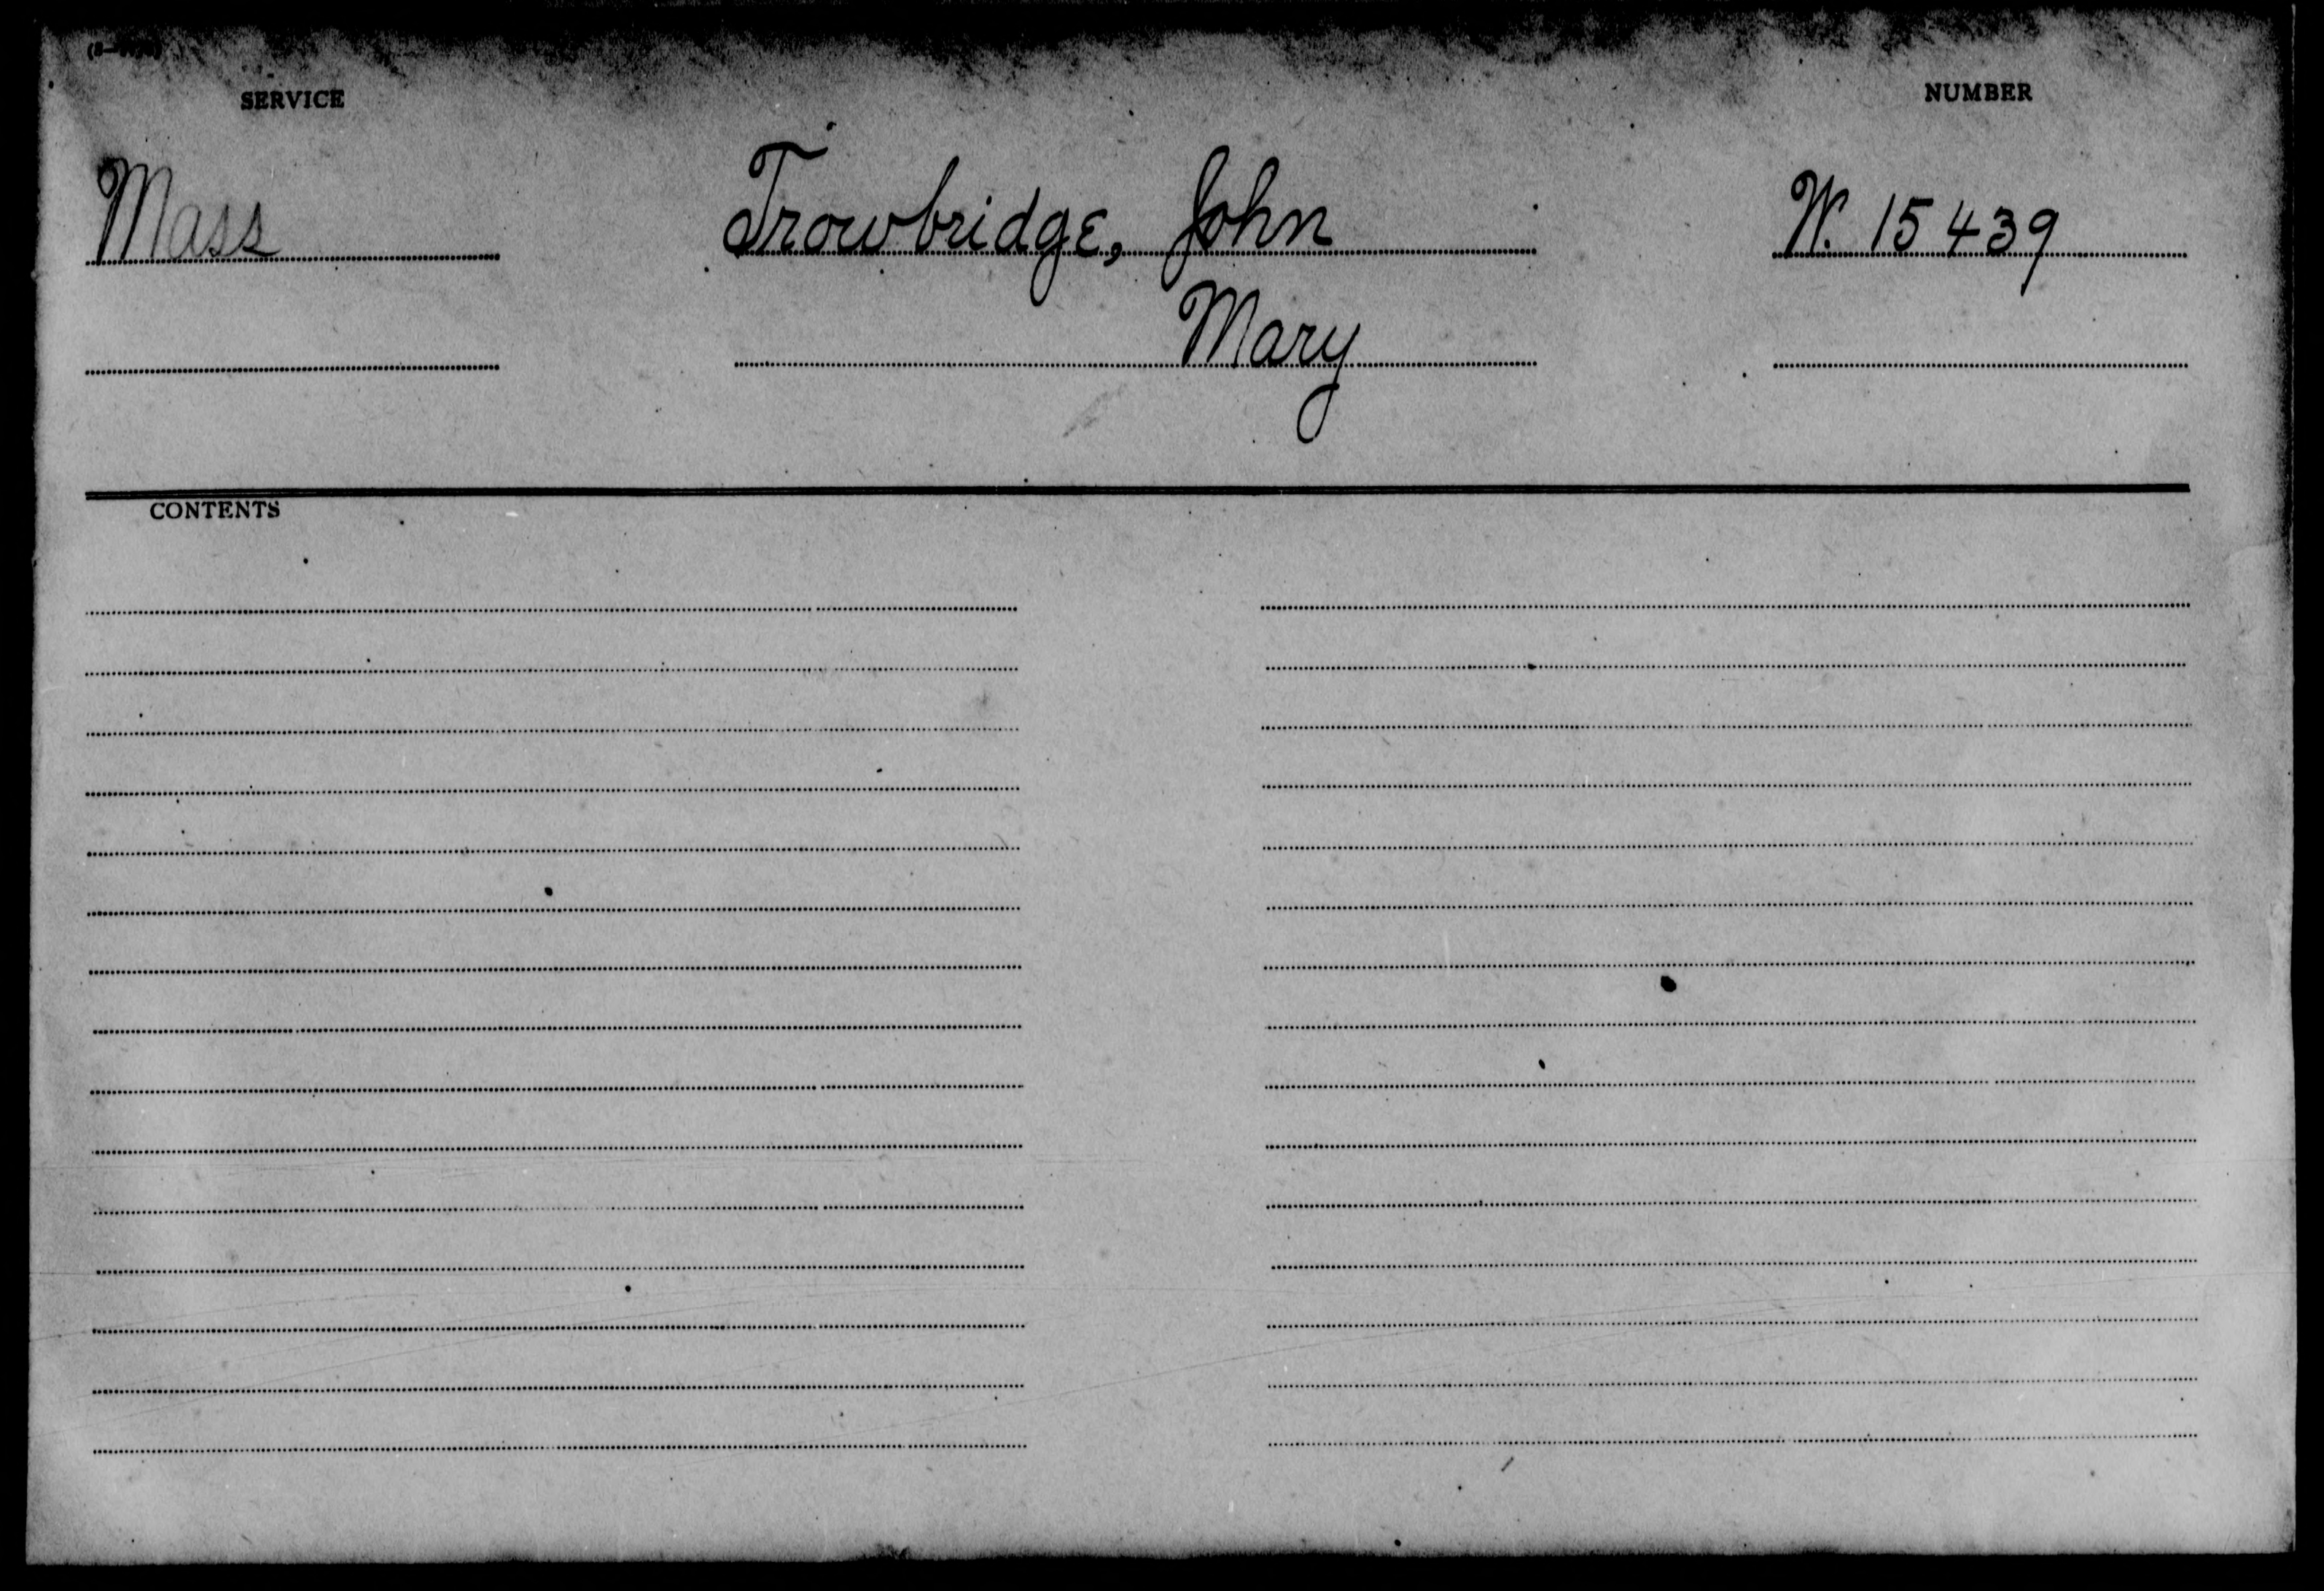SERVICE
Mass

Trowbridge, John
Mary

NUMBER
W. 15439

CONTENTS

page: 1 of 34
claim: widow's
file: W. 15439, John Trowbridge, Mass.